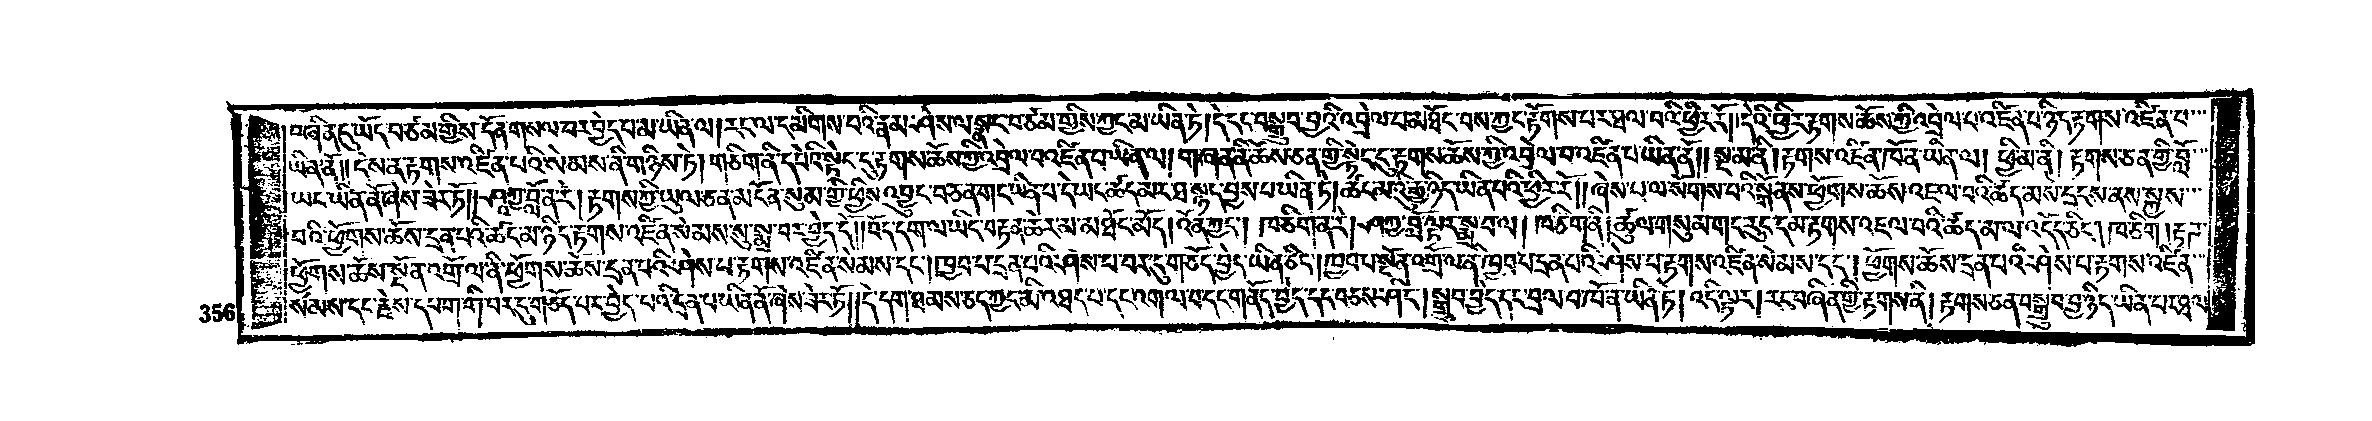བཞིན་དུ་ཡོད་པ་ཙམ་གྱིས་དོན་གསལ་བར་བྱེད་པ་མ་ཡིན་ལ། རང་ལ་དམིགས་པའི་རྣམ་ཤེས་ལ་སྣང་བ་ཙམ་གྱིས་ཀྱང་མ་ཡིན་ཏེ། དེ་དང་བསྒྲུབ་བྱའི་འབྲེལ་པ་མཐོང་བས་ཀྱང་རྟོགས་པར་ཐལ་བའི་ཕྱིར་རོ། །དེའི་ཕྱིར་རྟགས་ཆོས་ཀྱི་འབྲེལ་པ་འཛིན་པ་ཉིད་རྟགས་འཛིན་པ་
ཡིན་ན། །དེས་ན་རྟགས་འཛིན་པའི་སེམས་ནི་གཉིས་ཏེ། གཅིག་ནི་དཔེའི་སྟེང་དུ་རྟགས་ཆོས་ཀྱི་འབྲེལ་བ་འཛིན་པ་ཡིན་ལ། གཞན་ནི་ཆོས་ཅན་གྱི་སྟེང་དུ་རྟགས་ཆོས་ཀྱི་འབྲེལ་བ་འཛིན་པ་ཡིན་ནོ། །སྔ་མ་ནི། རྟགས་འཛིན་ཁོ་ན་ཡིན་ལ། ཕྱི་མ་ནི། རྟགས་ཅན་གྱི་བློ་
ཡང་ཡིན་ནོ་ཞེས་ཟེར་ཏོ། །ཤཱཀྱ་བློ་ན་རེ། རྟགས་ཀྱི་ཡུལ་ཅན་མངོན་སུམ་གྱི་ཕྱིས་འབྱུང་བ་ཅན་གང་ཡིན་པ་དེ་ཡང་ཚད་མར་ཐ་སྙད་བྱས་པ་ཡིན་ཏེ། ཚད་མའི་རྒྱུ་ཉིད་ཡིན་པའི་ཕྱིར་རོ། །ཞེས་པ་ལ་སོགས་པའི་སྒོ་ནས་ཕྱོགས་ཆོས་འཇལ་བའི་ཚད་མས་དྲངས་ནས་སྐྱེས་
པའི་ཕྱོགས་ཆོས་དྲན་པའི་ཚད་མ་ཉིད་རྟགས་འཛིན་སེམས་སུ་སྨྲ་བར་བྱེད་དོ། །བོད་དག་ལ་ཡིད་བརྟན་ཆེར་མ་མཐོང་མོད། འོན་ཀྱང་། ཁ་ཅིག་ན་རེ། ཤཱཀྱ་བློ་ལྟར་སྨྲ་བ་ལ། ཁ་ཅིག་ནི། ཚུལ་གསུམ་གང་རུང་དམ་རྟགས་འཇལ་བའི་ཚད་མ་ལ་འདོད་ཅིང་། ཁ་ཅིག །རྟཌ་
ཕྱོགས་ཆོས་སྔོན་འགྲོ་ལ་ནི་ཕྱོགས་ཆོས་དྲན་པའི་ཤེས་པ་རྟགས་འཛིན་སེམས་དང་། ཁྱབ་པ་དྲན་པའི་ཤེས་པ་བར་དུ་གཅོད་བྱེད་ཡིན་ཅིང་། ཁྱབ་པ་སྔོན་འགྲོ་ལ་ནི་ཁྱབ་པ་དྲན་པའི་ཤེས་པ་རྟགས་འཛིན་སེམས་དང་། ཕྱོགས་ཆོས་དྲན་པའི་ཤེས་པ་རྟགས་འཛིན་
སེམས་དང་རྗེས་དཔག་གི་བར་དུ་གཅོད་པར་བྱེད་པའི་དྲན་པ་ཡིན་ནོ་ཞེས་ཟེར་ཏོ། །དེ་དག་ཐམས་ཅད་ཀྱང་མི་འཐད་པ་དང་འགལ་བ་དང་གནོད་བྱེད་དང་བཅས་ཤིང་། སྒྲུབ་བྱེད་དང་བྲལ་བ་ཁོ་ན་ཡིན་ཏེ། འདི་ལྟར། རང་བཞིན་གྱི་རྟགས་ནི། རྟགས་ཅན་བསྒྲུབ་བྱ་ཉིད་ཡིན་པར་ཐལ་